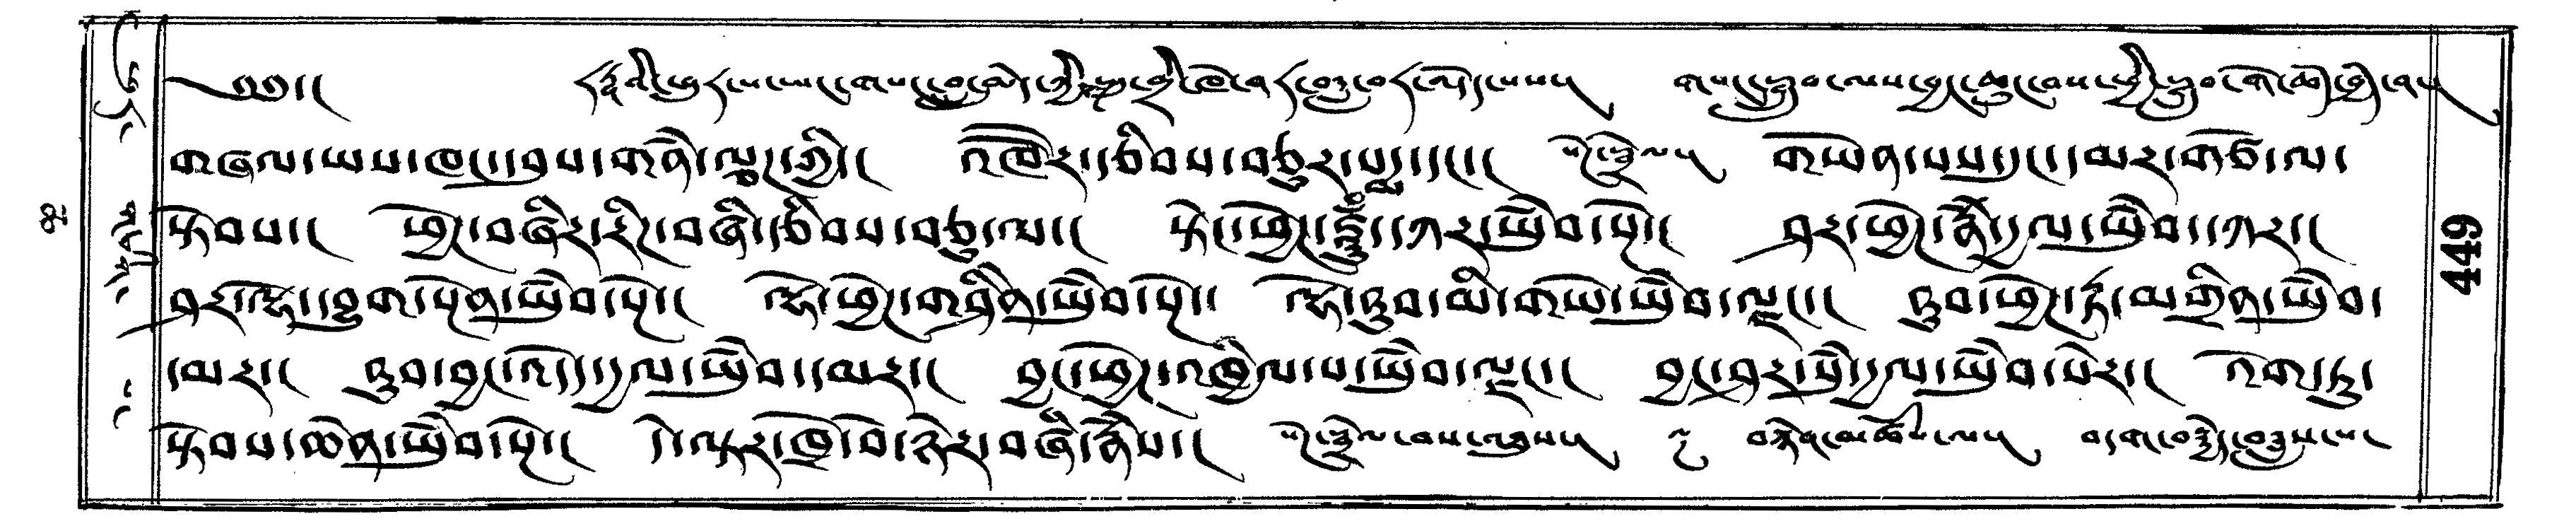༄༅། རཏྣའི་ཕུར་པ་ཡང་གསང་བླ་མེད་ཀྱི་སྤུ་གྲི་ཁོ་ན་བཟླ་བར་འདོད་པས། གསང་སྒྲུབ་ལས་བྱང་ཆུང་བས་ཕྱི་སྒྲུབ་གོ་ཆོད་བྱེད་ན། 
གཞལ་ཡས་ཁང་དབུས་གནམ་ལྕགས་ཀྱི། །འཁོར་ལོ་རྩིབས་བཅུར་པདྨ་དང་། སོགས་སྦྲེལ། གཡོན་པས་དུང་དམར་གཙོ་ལ་
སྟོབ། །ཕྱོགས་བཞིར་རིགས་བཞི་རྩིབས་བཅུ་ལ། །སྟེང་ཕྱོགས་ཧཱུྃ་དཀར་ཡབ་ཡུམ་སྔོ། །ཤར་ཕྱོགས་རྣམ་རྒྱལ་ཡབ་ཡུམ་དཀར། །
ཤར་ལྷོ་དབྱུག་སྔོན་ཡབ་ཡུམ་སྔོ། །ལྷོ་ཕྱོགས་གཤིན་རྗེ་ཡབ་ཡུམ་སྔོ། །ལྷོ་ནུབ་མི་གཡོ་ཡབ་ཡུམ་ལྗང་། །ནུབ་ཕྱོགས་རྟ་མགྲིན་ཡབ་ཡུམ་
དམར། །ནུབ་བྱང་འདོད་རྒྱལ་ཡབ་ཡུམ་དམར། །བྱང་ཕྱོགས་འཁྱིལ་པ་ཡབ་ཡུམ་ལྗང་། །བྱང་ཤར་གསུམ་རྒྱལ་ཡབ་ཡུམ་སེར། །འོག་ཏུ་
སྟོབས་ཆེན་ཡབ་ཡུམ་སྔོ།དེ་ལྟར་ཁྲོ་བོ་ཉེར་བཞི་རྣམས། སོགས་སྦྲེལ་བས་འཐུས། ༈ བསྙེན་མཚམས་ལ། བདག་བསྐྱེད་བཟླས་པ་